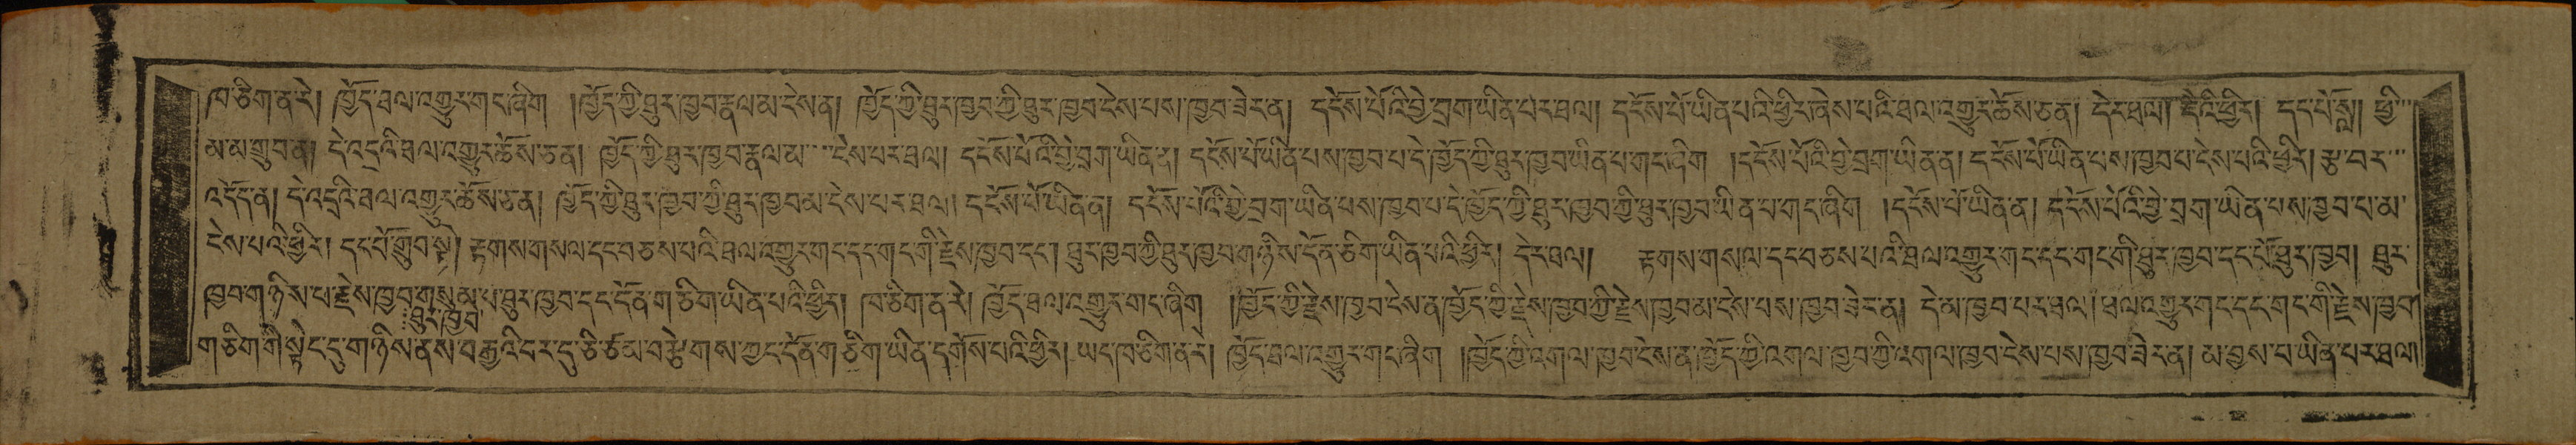ཁ་ཅིག་ན་རེ། ཁྱོད་ཐལ་འགྱུར་གང་ཞིག །ཁྱོད་ཀྱི་ཐུར་ཁྱབ་རྣལ་མ་ངེས་ན། ཁྱོད་ཀྱི་ཐུར་ཁྱབ་ཀྱི་ཐུར་ཁྱབ་ངེས་པས་ཁྱབ་ཟེར་ན། དངོས་པོའི་བྱེ་བྲག་ཡིན་པར་ཐལ། དངོས་པོ་ཡིན་པའི་ཕྱིར་ཞེས་པའི་ཐལ་འགྱུར་ཆོས་ཅན། དེར་ཐལ། དེའི་ཕྱིར། དང་པོ་སླ། ཕྱི་
མ་མ་གྲུབ་ན། དེ་འདྲའི་ཐལ་འགྱུར་ཆོས་ཅན། ཁྱོད་ཀྱི་ཐུར་ཁྱབ་རྣལ་མ་ངེས་པར་ཐལ། དངོས་པོའི་བྱེ་བྲག་ཡིན་ན། དངོས་པོ་ཡིན་པས་ཁྱབ་པ་དེ་ཁྱོད་ཀྱི་ཐུར་ཁྱབ་ཡིན་པ་གང་ཞིག །དངོས་པོའི་བྱེ་བྲག་ཡིན་ན། དངོས་པོ་ཡིན་པས་ཁྱབ་པ་ངེས་པའི་ཕྱིར། རྩ་བར་
འདོད་ན། དེ་འདྲའི་ཐལ་འགྱུར་ཆོས་ཅན། ཁྱོད་ཀྱི་ཐུར་ཁྱབ་ཀྱི་ཐུར་ཁྱབ་མ་ངེས་པར་ཐལ། དངོས་པོ་ཡིན་ན། དངོས་པོའི་བྱེ་བྲག་ཡིན་པས་ཁྱབ་པ་དེ་ཁྱོད་ཀྱི་ཐུར་ཁྱབ་ཀྱི་ཐུར་ཁྱབ་ཡིན་པ་གང་ཞིག །དངོས་པོ་ཡིན་ན། དངོས་པོའི་བྱེ་བྲག་ཡིན་པས་ཁྱབ་པ་མ་
ངེས་པའི་ཕྱིར། དང་པོ་གྲུབ་སྟེ། རྟགས་གསལ་དང་བཅས་པའི་ཐལ་འགྱུར་གང་དང་གང་གི་རྗེས་ཁྱབ་དང་། ཐུར་ཁྱབ་ཀྱི་ཐུར་ཁྱབ་གཉིས་དོན་ཅིག་ཡིན་པའི་ཕྱིར། དེར་ཐལ། རྟགས་གསལ་དང་བཅས་པའི་ཐལ་འགྱུར་གང་དང་གང་གི་ཐུར་ཁྱབ་དང་པོ་ཐུར་ཁྱབ། ཐུར་
ཁྱབ་གཉིས་པ་རྗེས་ཁྱབ་ཐུར་ཁྱབ་གསུམ་པ་ཐུར་ཁྱབ་དང་དོན་གཅིག་ཡིན་པའི་ཕྱིར། ཁ་ཅིག་ན་རེ། ཁྱོད་ཐལ་འགྱུར་གང་ཞིག །ཁྱོད་ཀྱི་རྗེས་ཁྱབ་ངེས་ན་ཁྱོད་ཀྱི་རྗེས་ཁྱབ་ཀྱི་རྗེས་ཁྱབ་མ་ངེས་པས་ཁྱབ་ཟེར་ན། དེ་མ་ཁྱབ་པར་ཐལ། ཐལ་འགྱུར་གང་དང་གང་གི་རྗེས་ཁྱབ་
གཅིག་གི་སྟེང་དུ་གཉིས་ནས་བརྒྱའི་བར་དུ་ཅི་ཙམ་བརྩེགས་ཀྱང་དོན་གཅིག་ཡིན་དགོས་པའི་ཕྱིར། ཡང་ཁ་ཅིག་ན་རེ། ཁྱོད་ཐལ་འགྱུར་གང་ཞིག །ཁྱོད་ཀྱི་འགལ་ཁྱབ་ངེས་ན་ཁྱོད་ཀྱི་འགལ་ཁྱབ་ཀྱི་འགལ་ཁྱབ་ངེས་པས་ཁྱབ་ཟེར་ན། མ་བྱས་པ་ཡིན་པར་ཐལ།